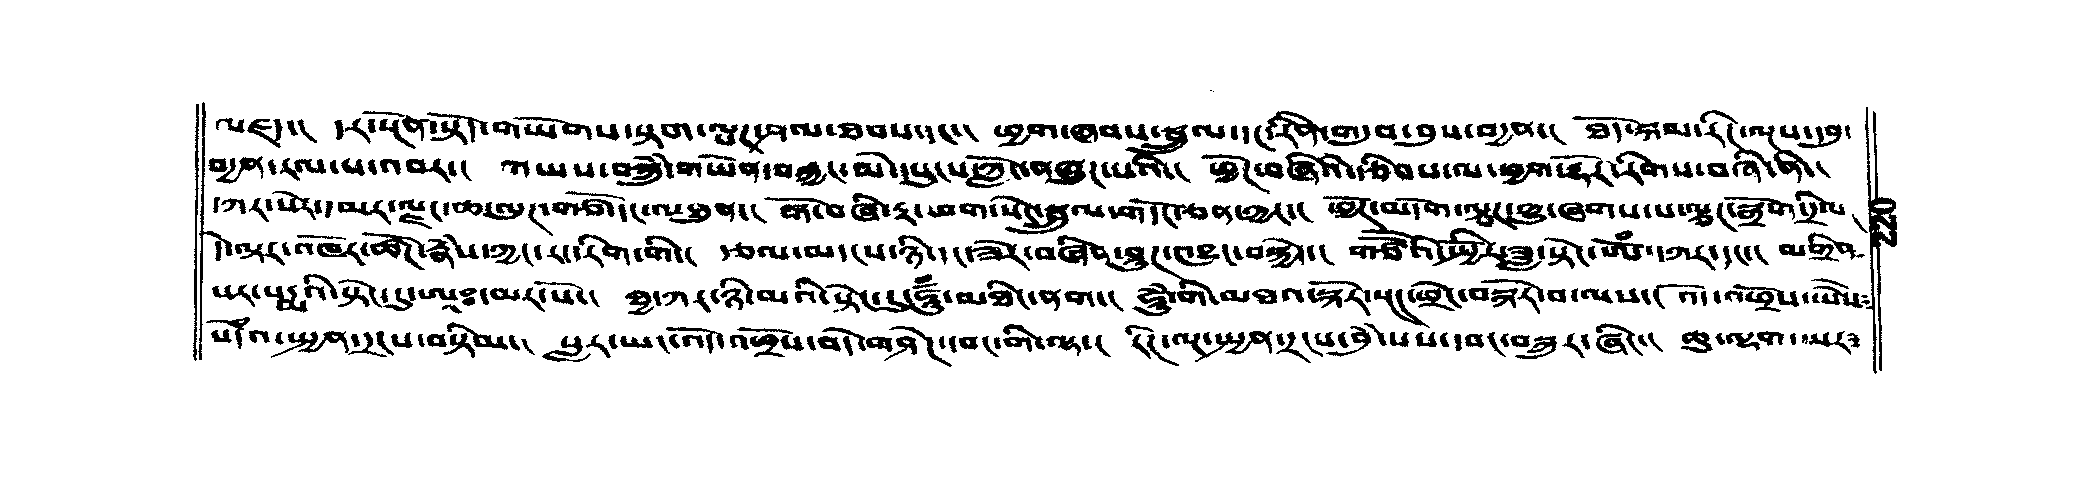མཛད། དར་སྔོན་སྟོད་གཡོགས་སྟག་ལྤགས་ཤལ་ཐབས་དང་། ཕྱག་ཞབས་སྦྲུལ་དངརིན་ཆེན་གདུབ་བུས་བརྒྱན། ཐོད་སྐམ་རིགས་ལྔས་དབུ་
བརྒྱན་རལ་པ་འབར། གཡས་བསྐུམ་གཡོན་བརྐྱང་མེ་དཔུངས་ཀློང་བཞུགས་པའི། ཕྱོགས་བཞིའི་རྩིབས་ལ་ཕྱག་རྡོར་རིགས་བཞི་ནི། 
དཀར་སེར་དམར་ལྗང་ཆ་ལུགས་གཙོ་དང་མཐུན། སྒོ་བཞི་རྟ་ཕག་སེང་སྦྲུལ་གདོང་ཅན་ཡང་། ཕྱོགས་མདོག་ལྕགས་ཀྱུ་ཞགས་པ་ལྕགས་སྒྲོག་དྲིལ། 
དེ་ལྟར་འཁོར་ཚོགས་རྣམས་ཀྱང་རང་རིག་གི། རྩལ་མདངས་ཉི་དང་ཟེར་བཞིན་ཤུགས་འབྱུང་བསྐྱེད། གཙོ་བོའི་སྤྱི་བོར་ཟླ་སྟེང་ཨོཾ་དཀར་དང་། མགྲིན་
པར་པདྨའི་སྟེང་དུ་ཨཱཿདམར་པོ། ཐུགས་ཀར་ཉི་མའི་སྟེང་དུ་ཧཱུྃ་མཐིང་ནག ཧཱུྃ་གི་མཐའ་སྐོར་སྔགས་ཕྲེང་བསྐོར་བ་ལས། འོད་འཕྲོས་ཡེ་ཤེས་
སེམས་དཔའ་སྤྱན་དྲངས་བསྟིམ།སླར་ཡང་འོད་འཕྲོས་བདེ་གཤེགས་དབང་གི་ལྷ། རིགས་ལྔ་སྤྱན་དྲངས་བུམ་པས་དབང་བསྐུར་ཞིང་། ཆུ་ལྷག་ཡར་